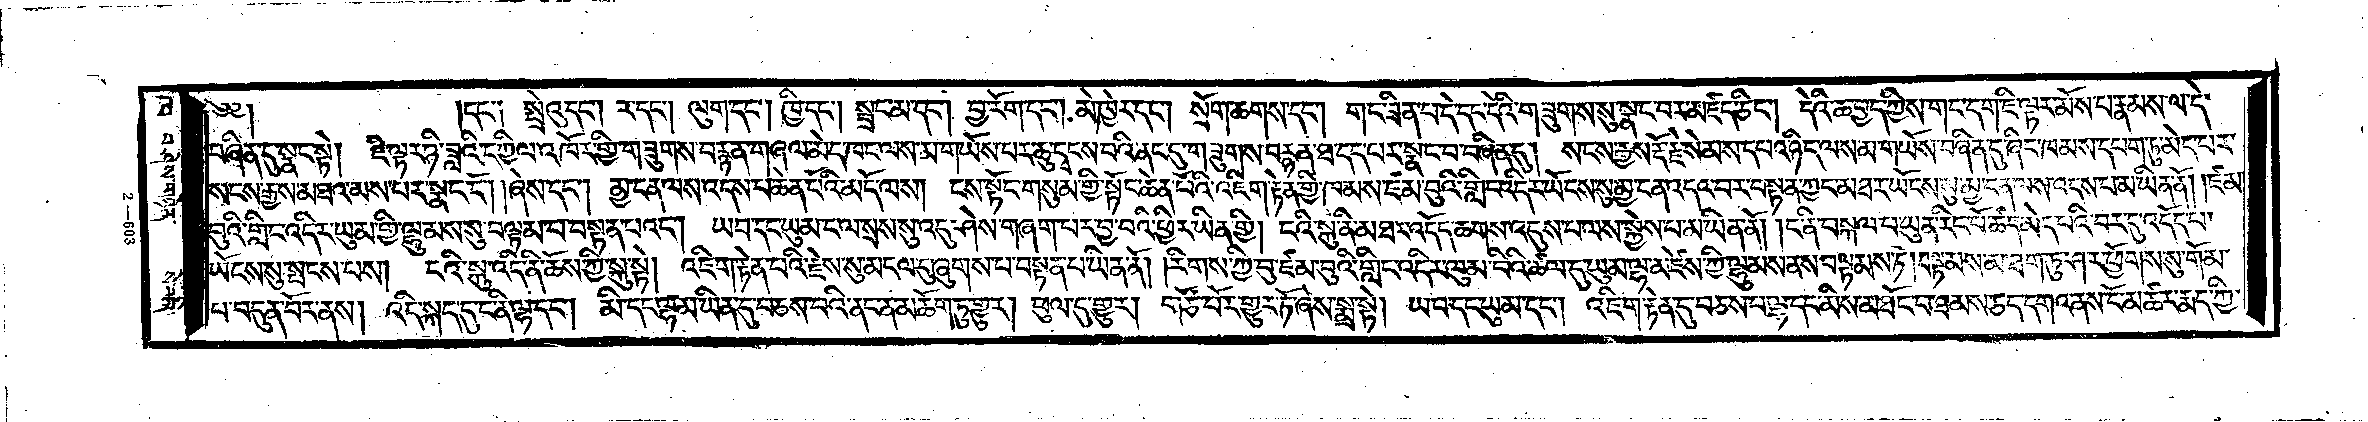༄༅། །དང༑ སྤྲེའུ་དང་། ར་དང་། ལུག་དང་། ཁྱི་དང་། སྦྲང་མ་དང་། བྱ་རོག་དང་། མེ་ཁྱེར་དང་། སྲོག་ཆགས་དང་། གང་ཟིན་པ་དེ་དང་དེའི་གཟུགས་སུ་སྣང་བར་མཛད་ཅིང་། དེའི་ཆ་བྱད་ཀྱིས་གང་དག་ཇི་ལྟར་མོས་པ་རྣམས་ལ་དེ་
བཞིན་དུ་སྣང་སྟེ། ཇི་ལྟར་ཉི་ཟླའི་དཀྱིལ་འཁོར་གྱི་གཟུགས་བརྙན་གཞལ་མེད་ཁང་ལས་མ་གཡོས་པར་ཆུ་དྭངས་པའི་ནང་དུ་གཟུགས་བརྙན་ཐ་དད་པར་སྣང་བ་བཞིན་དུ། སངས་རྒྱས་རྡོ་རྗེ་སེམས་དཔའ་ཉིད་ལས་མ་གཡོས་བཞིན་དུ་ཞིང་ཁམས་དཔག་ཏུ་མེད་པར་
སངས་རྒྱས་མཐའ་མས་པར་སྣང་ངོ། །ཞེས་དང་། མྱ་ངན་ལས་འདས་པ་ཆེན་པོའི་མདོ་ལས། ངས་སྟོང་གསུམ་གྱི་སྟོང་ཆེན་པོའི་འཇིག་རྟེན་ཀྱི་ཁམས་ཛམ་བུའི་གླིང་འདིར་ཡོངས་སུ་མྱ་ངན་འདའ་བར་བསྟན་ཀྱང་མཐར་ཡོངས་སུ་མྱ་ངན་ལས་འདས་པ་མ་ཡིན་ནོ། །ཛམ་
བུའི་གླིང་འདིར་ཡུམ་གྱི་ལྷུམས་སུ་བལྟམ་པ་བསྟན་པ་དང་། ཡབ་དང་ཡུམ་པ་ལ་སྲས་སུ་འདུ་ཤེས་གཞག་པར་བྱ་བའི་ཕྱིར་ཡིན་གྱི། ངའི་སྐུ་ནི་མཐར་འདོད་ཆགས་འདུས་པ་ལས་སྐྱེས་པ་མ་ཡིན་ནོ། །ང་ནི་བསྐལ་བ་ཡུན་རིང་པོ་ཚད་མེད་པའི་བར་དུ་འདོད་པ་
ཡོངས་སུ་སྤངས་པས། ངའི་སྐུ་འདི་ནི་ཆོས་ཀྱི་སྐུ་སྟེ། འཇིག་རྟེན་པའི་རྗེས་སུ་མངལ་དུ་ཞུགས་པ་བསྟན་པ་ཡིན་ནོ། །རིགས་ཀྱི་བུ་ཛམ་བུའི་གླིང་འདིར་ལུམ་པའི་ཚལ་དུ་ཡུམ་ལྷ་མཛེས་ཀྱི་ལྷུམས་ནས་བལྟམས་ཏེ། བལྟམས་མ་ཐག་ཏུ་ཤར་ཕྱོགས་སུ་གོམ་
པ་བདུན་བོར་ནས། འདི་སྐད་དུ་ང་ནི་ལྷ་དང་། མི་དང་ལྷ་མ་ཡིན་དུ་བཅས་པའི་ནང་ན་མཆོག་ཏུ་གྱུར། ཕུལ་དུ་གྱུར། གཙོ་བོར་གྱུར་ཏོ་ཞེས་སྨྲ་སྟེ། ཡབ་དང་ཡུམ་དང་། འཇིག་རྟེན་དུ་བཅས་བསྟན་པ་ལྷ་དང་མིས་མཐོང་བ་ཐམས་ཅད་དགའ་ནས་ངོ་མཚར་རྨད་ཀྱི་